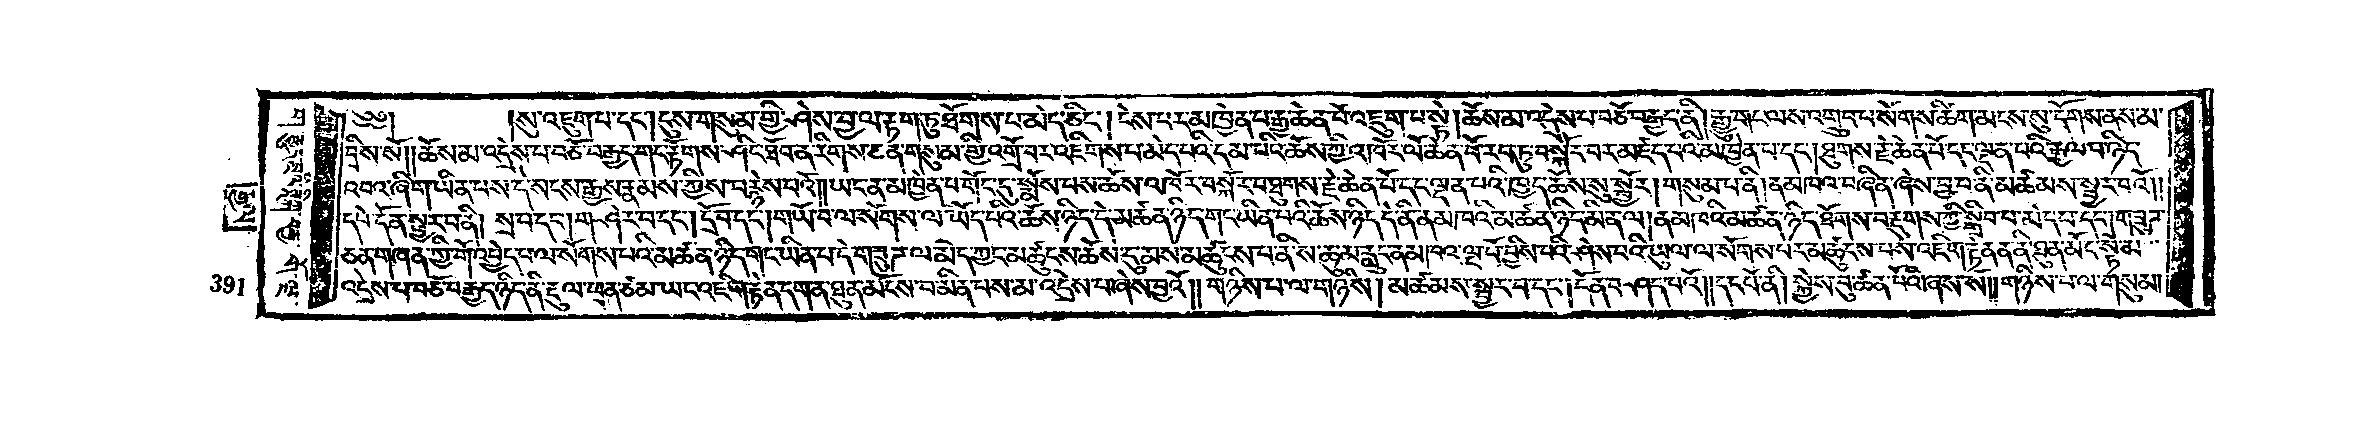༄༅། །སུ་འཇུག་པ་དང་། དུས་གསུམ་གྱི་ཤེས་བྱ་ལ་རྟག་ཏུ་ཐོགས་པ་མེད་ཅིང་། ངེས་པར་མཁྱེན་པ་རྒྱ་ཆེན་པོ་འཇུག་པ་སྟེ། ཆོས་མ་འདྲེས་པ་བཅོ་བརྒྱད་ནི། རྒྱུ་གང་ལས་འགྲུབ་པ་སོགས་ཚིགས་མངས་སུ་དོགས་ནས་མ་
བྲིས་སོ། །ཆོས་མ་འདྲེས་པ་བཅོ་བརྒྱད་གང་རྟོགས་ཤིང་ཐོབ་ན་རིགས་ཅན་གསུམ་གྱི་འགྲོ་བར་འཇིགས་པ་མེད་པའི་དམ་པའི་ཆོས་ཀྱི་ཁོར་ལོ་ཆེན་པོ་རབ་ཏུ་བསྐོར་བར་མཛད་པའི་མཁྱེན་པ་དང་། ཐུགས་རྗེ་ཆེན་པོ་དང་ལྡན་པའི་རྒྱལ་བ་ཉིད་
འབའ་ཞིག་ཡིན་པས་དེ་སངས་རྒྱས་རྣམས་ཀྱིས་བརྙེས་པའོ། །ཡང་ན་མཁྱེན་པ་གོང་དུ་སྨོས་པས་ཆོས་འཁོར་བསྐོར་བ་ཐུགས་རྗེ་ཆེན་པོ་དང་ལྡན་པའི་ཁྱད་ཆོས་སུ་སྦྱོར། གསུམ་པ་ནི། ནམ་མཁའ་བཞིན་ཞེས་བྱ་བ་ནི་མཚམས་སྦྱར་བའོ། །
དཔེ་དོན་སྦྱར་བ་ནི། སྲ་བ་དང་། གཤེར་པ་དང་། དྲོ་བ་དང་། གཡོ་བ་ལ་སོགས་ལ་ཡོད་པའི་ཆོས་ཉིད་དེ་མཚན་ཉིད་གང་ཡིན་པའི་ཆོས་ཉིད་དེ་ནི་ནམ་མཁའ་མཚན་ཉིད་མིན་ལ། ནམ་མཁའི་མཚན་ཉིད་ཐོགས་བརྡུགས་ཀྱི་སྒྲིབ་པ་མེད་པ་དང་། གཟུགས་
ཅན་གཞན་གྱི་གོ་འབྱེད་པ་ལ་སོགས་པའི་མཚན་ཉིད་གང་ཡིན་པ་དེ་གཟུགས་ལ་མེད་ཀྱང་མཚུངས་ཆོས་དུ་མས་མཚུངས་པ་ནི་ས་ཆུ་མེ་རླུང་ནམ་མཁའ་ལྔ་པོ་བྱིས་པའི་ཤེས་པའི་ཡུལ་ལ་སོགས་པར་མཚུངས་པས་འཇིག་རྟེན་ན་ནི་ཐུན་མོང་སྟེ་མ་
འདྲེས་པ་བཅོ་བརྒྱད་ཉིད་ནི་རྡུལ་ཕྲན་ཙམ་ཡང་འཇིག་རྟེན་དག་ན་ཐུན་མོངས་པ་མིན་པས་མ་འདྲེས་པ་ཞེས་བྱའོ། །གཉིས་པ་ལ་གཉིས། མཚམས་སྦྱར་བ་དང་། དོན་བཤད་པའོ། །དང་པོ་ནི། སྐྱེས་བུ་ཚན་པོའི་ཞེས་སོ། །གཉིས་པ་ལ་གསུམ།